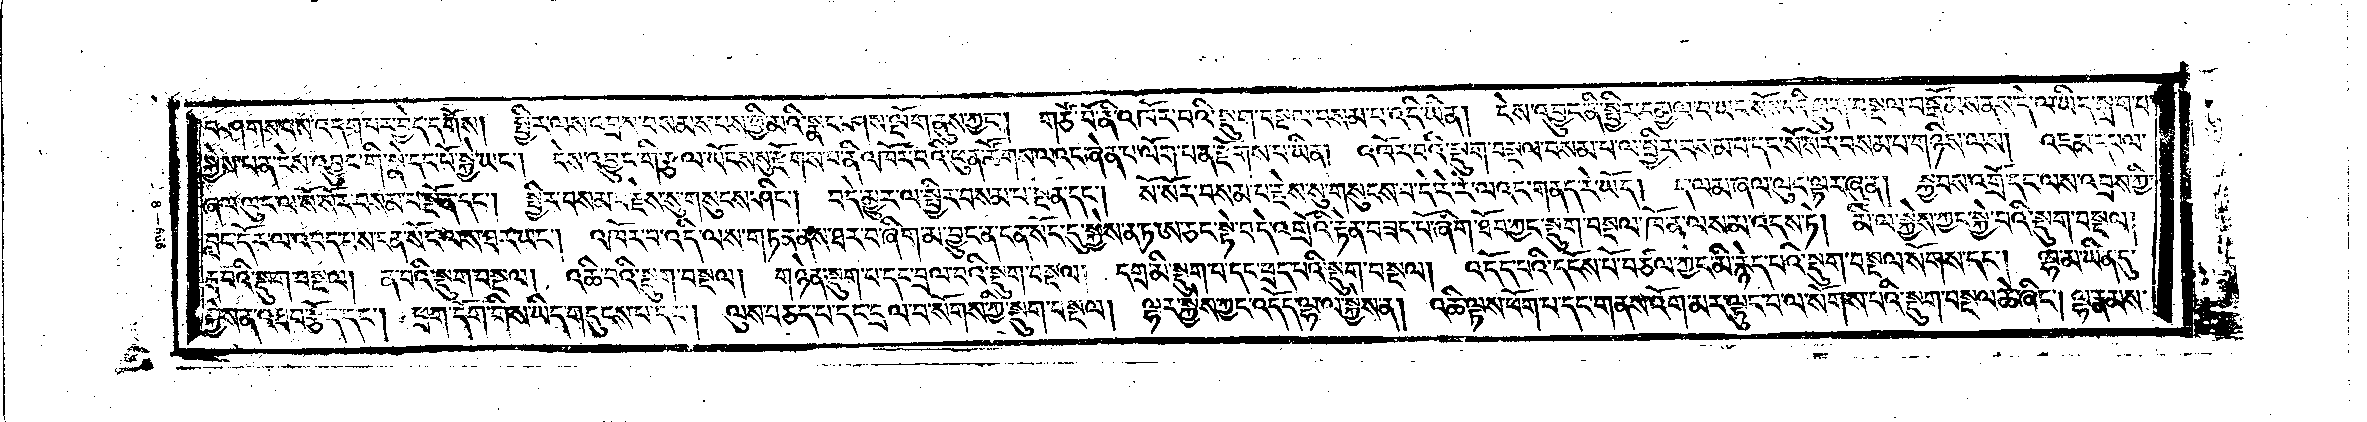བཤགས་པས་འདག་པར་བྱེད་དགོས། སྤྱིར་ལས་འབྲས་བསམས་པས་ཕྱི་མའི་སྣང་ཤས་ལྡོག་ནུས་ཀྱང་། གཙོ་བོ་ནི་འཁོར་བའི་སྡུག་བསྔལ་བསམ་པ་འདི་ཡིན། ངེས་འབྱུང་ནི་སྤྱིར་དམྱལ་བ་ཡང་སོས་པའི་སྡུག་བསྔལ་བསྒོམས་ནས་དེ་ལ་ཡིད་སྐྲག་པ་
སྐྱེས་པ་ན་ངེས་འབྱུང་གི་སྣེ་དང་པོ་སྐྱེ་ཡང་། ངེས་འབྱུང་གི་རྩལ་ཡོངས་སུ་རྫོགས་པ་ནི་འཁོར་བའི་ཕུན་ཚོགས་ལའང་ཞེན་པ་ལོག་པ་ན་རྫོགས་པ་ཡིན། འཁོར་བའི་སྡུག་བསྔལ་བསམ་པ་ལ་སྤྱིར་བསམ་པ་དང་སོ་སོར་བསམ་པ་གཉིས་ལས། འཇམ་དཔལ་
ཞལ་ལུང་ལ་སོ་སོར་བསམ་པ་སྔོན་དང་། སྤྱིར་བསམ་པ་རྗེས་སུ་གསུངས་ཤིང་། བདེ་མྱུར་ལ་སྤྱིར་བསམ་པ་སྔོན་དང་། སོ་སོར་བསམ་པ་རྗེས་སུ་གསུངས་པ་དེ་རེ་རེ་ལའང་གནད་རེ་ཡོད། ད་ལམ་ཞལ་ལུང་ལྟར་ཞུ་ན། སྐྱབས་འགྲོ་དང་ལས་འབྲས་ཀྱི་
བླང་དོར་ལ་འབད་པས་ངན་སོང་ལས་ཐར་ཡང་། འཁོར་བ་འདི་ལས་གཏན་ནས་ཐར་བ་ཞིག་མ་བྱུང་ན་ངན་སོང་དུ་སྐྱེས་ན་ཏ་ཨ་ཅང་སྟེ་བདེ་འགྲོའི་རྟེན་བཟང་པོ་ཞིག་ཐོབ་ཀྱང་སྡུག་བསྔལ་ཁོ་ན་ལས་མ་འདས་ཏེ། མི་ལ་སྐྱེས་ཀྱང་སྐྱེ་བའི་སྡུག་བསྔལ།
རྒ་བའི་སྡུག་བསྔལ། ན་བའི་སྡུག་བསྔལ། འཆི་བའི་སྡུག་བསྔལ། གཉེན་སྡུག་པ་དང་བྲལ་བའི་སྡུག་བསྔལ། དགྲ་མི་སྡུག་པ་དང་ཕྲད་པའི་སྡུག་བསྔལ། འདོད་པའི་དངོས་པོ་བཙལ་ཀྱང་མི་རྙེད་པའི་སྡུག་བསྔལ་སོགས་དང་། ལྷ་མ་ཡིན་དུ་
སྐྱེས་ན་འཐབ་རྩོད་དང་། ཕྲག་དོག་གིས་ཡིད་གདུངས་པ་དང་། ལུས་བཅད་པ་དང་དྲལ་བ་སོགས་ཀྱི་སྡུག་བསྔལ། ལྷར་སྐྱེས་ཀྱང་འདོད་ལྷ་ལ་སྐྱེས་ན། འཆི་ལྟས་ཕོག་པ་དང་གནས་འོག་མར་ལྟུང་བ་ལ་སོགས་པའི་སྡུག་བསྔལ་ཆེ་ཞིང་། ལྷ་རྣམས་